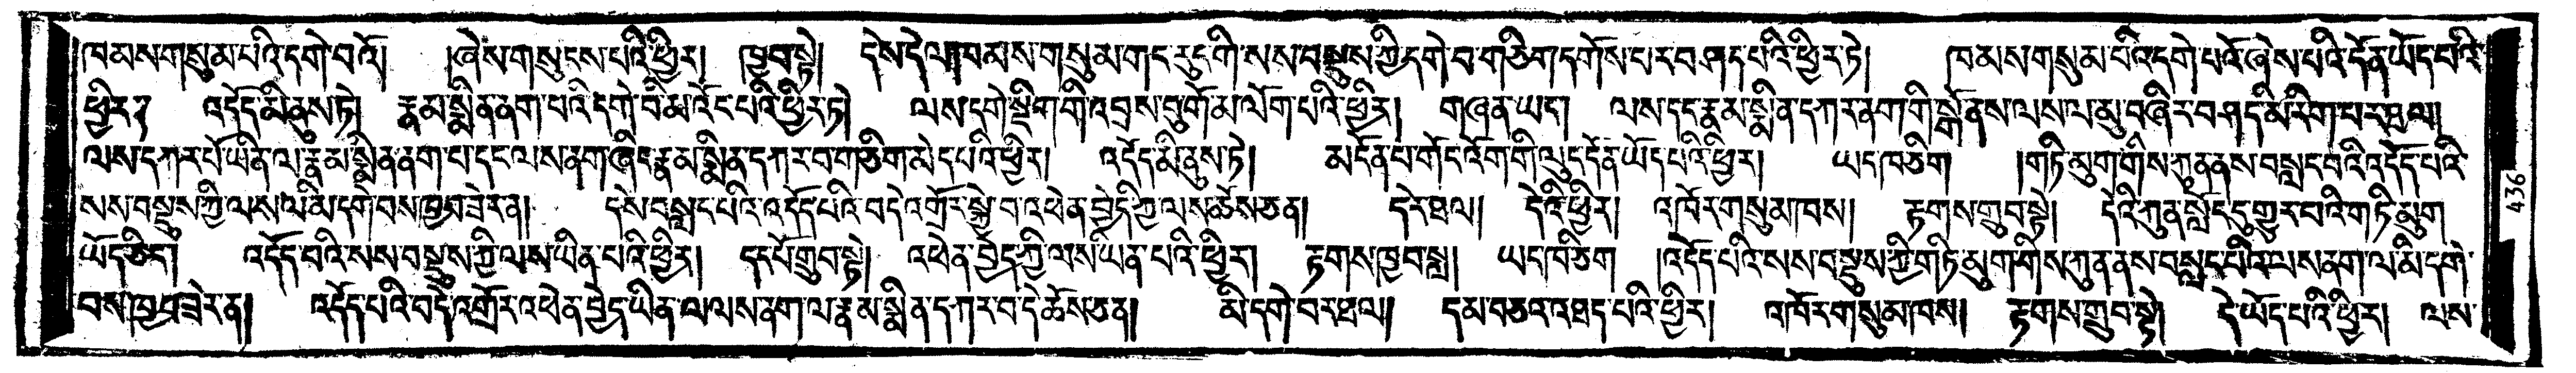ཁམས་གསུམ་པའི་དགེ་བའོ། །ཞེས་གསུངས་པའི་ཕྱིར། ཁྱབ་སྟེ། དེས་དེ་ལ་ཁམས་གསུམ་གང་རུང་གི་སས་བསྡུས་ཀྱི་དགེ་བ་གཅིག་དགོས་པར་བཤད་པའི་ཕྱིར་ཏེ། ཁམས་གསུམ་པའི་དགེ་པའོ་ཞེས་པའི་དོན་ཡོད་པའི་
ཕྱིར༑ འདོད་མི་ནུས་ཏེ། རྣམ་སྨིན་ནག་པའི་དགེ་བ་མི་འོང་པའི་ཕྱིར་ཏེ། ལས་དགེ་སྡིག་གི་འབྲས་བུ་གོ་མ་ལོག་པའི་ཕྱིར། གཞན་ཡང་། ལས་དང་རྣམ་སྨིན་དཀར་ནག་གི་སྒོ་ནས་ལས་ལ་མུ་བཞིར་བཤད་མི་རིག་པར་ཐལ།
ལས་དཀར་པོ་ཡིན་ལ་རྣམ་སྨིན་ནག་པ་དང་ལས་ནག་ཞིང་རྣམ་སྨིན་དཀར་བ་གཅིག་མེད་པའི་ཕྱིར། འདོད་མི་ནུས་ཏེ། མངོན་པ་གོང་འོག་གི་ལུང་དོན་ཡོད་པའི་ཕྱིར། ཡང་ཁ་ཅིག །གཏི་མུག་གིས་ཀུན་ནས་བསླང་བའི་འདོད་པའི་
སས་བསྡུས་ཀྱི་ལས་ལ་མི་དགེ་བས་ཁྱབ་ཟེར་ན། དེས་བསླང་བའི་འདོད་པའི་བདེ་འགྲོར་སྐྱེ་བ་འཕེན་བྱེད་ཀྱི་ལས་ཆོས་ཅན། དེར་ཐལ། དེའི་ཕྱིར། འཁོར་གསུམ་ཁས། རྟགས་གྲུབ་སྟེ། དེའི་ཀུན་སློང་དུ་གྱུར་པའི་གཏི་མུག་
ཡོད་ཅིང་། འདོད་པའི་སས་བསྡུས་ཀྱི་ལས་ཡིན་པའི་ཕྱིར། དང་པོ་གྲུབ་སྟེ། འཕེན་བྱེད་ཀྱི་ལས་ཡིན་པའི་ཕྱིར། རྟགས་ཁྱབ་སླ། ཡང་ཁ་ཅིག །འདོད་པའི་སས་བསྡུས་ཀྱི་གཏི་མུག་གིས་ཀུན་ནས་བསླང་བའི་ལས་ནག་ལ་མི་དགེ་
བས་ཁྱབ་ཟེར་ན། འདོད་པའི་བདེ་འགྲོར་འཕེན་བྱེད་ཡིན་ལ་ལས་ནག་ལ་རྣམ་སྨིན་དཀར་བ་དེ་ཆོས་ཅན། མི་དགེ་བར་ཐལ། དམ་བཅའ་འཐད་པའི་ཕྱིར། འཁོར་གསུམ་ཁས། རྟགས་གྲུབ་སྟེ། དེ་ཡོད་པའི་ཕྱིར། ལས་